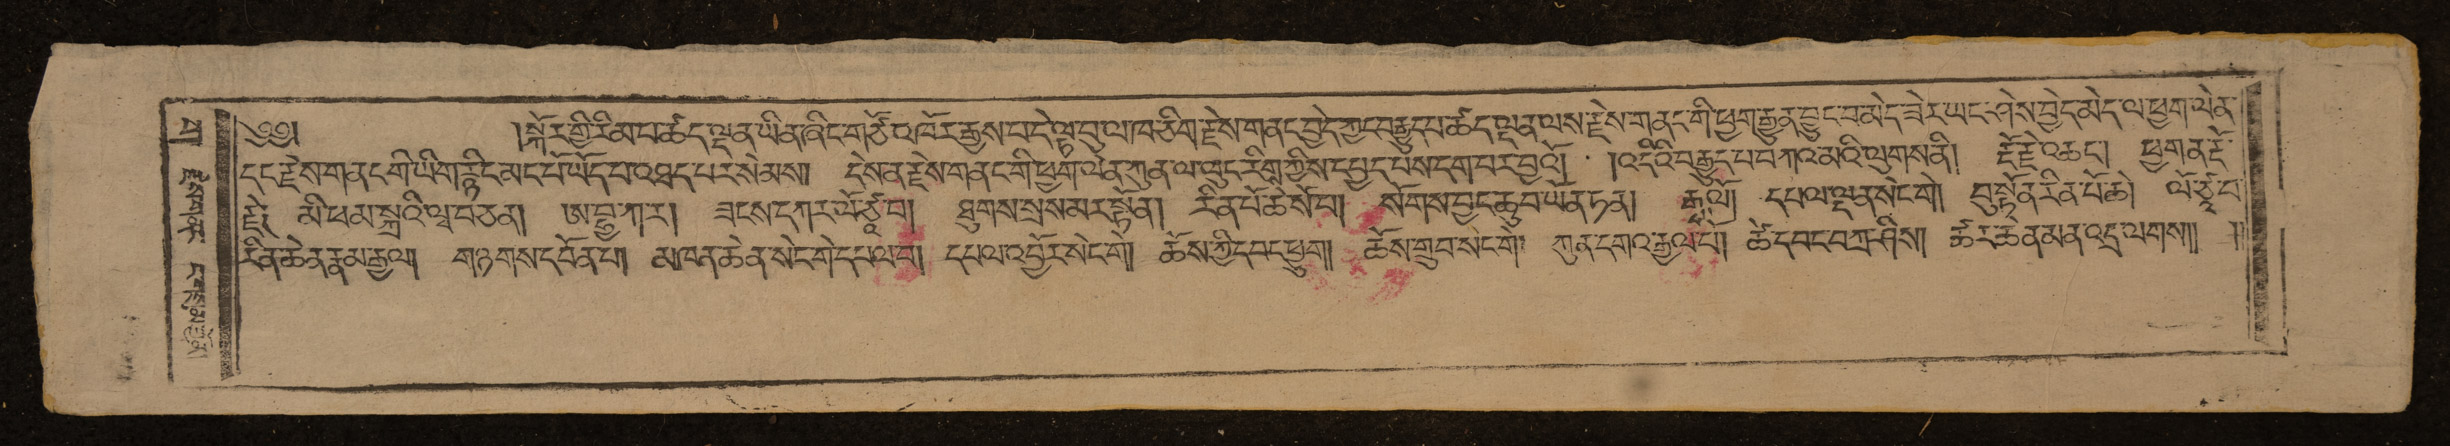༄༅། །སྐོར་གྱི་རིམ་པ་ཚད་ལྡན་ཡིན་ཞིང་གཙོ་འཁོར་རྒྱས་པ་དེ་ལྟ་བུ་ལ་ཁ་ཅིག་རྗེས་གནང་བྱེད་ཀྱང་བརྒྱུད་པ་ཚད་ལྡན་ལས་རྗེས་གནང་གི་ཕྱག་རྒྱུན་བྱུང་བ་མེད་ཟེར་ཡང་ཤེས་བྱེད་མེད་ལ་ཕྱག་ལེན་
དང་རྗེས་གནང་གི་ཡིག་རྙིང་མང་པོ་ཡོད་པ་འཐད་པར་སེམས། དེས་ན་རྗེས་གནང་གི་ཕྱག་ལེན་ཀུན་ལ་ལུང་རིགས་ཀྱིས་དཔྱད་པས་དག་པར་བྱའོ། །འདིའི་བརྒྱུད་པ་བཀའ་མའི་ལུགས་ནི། རྡོ་རྗེ་འཆང་། ཕྱག་ན་རྡོ་
རྗེ༑ མི་ཕམ་སྐྲའི་ལྭ་བ་ཅན། ཨ་བྷྱ་ཀ་ར། ཟངས་དཀར་ལོ་ཙཱ་བ། ཐུགས་སྲས་མར་སྟོན། རིན་པོ་ཆེ་སོ་བ། སོགས་བྱང་ཆུབ་ཡོན་ཏན། རྒྷ?་ལོ། དཔལ་ལྡན་སེང་གེ། བུ་སྟོན་རིན་པོ་ཆེ། ལོ་ཙཱ་བ་
རིན་ཆེན་རྣམ་རྒྱལ། གཉགས་དཔོན་པ། མཁན་ཆེན་སེང་གེ་དཔལ་བ། དཔལ་འབྱོར་སེང་གེ། ཆོས་ཀྱི་དབང་ཕྱུག། ཆོས་གྲུབ་སེང་གེ། ཀུན་དགའ་རྒྱལ་པོ། ཚེ་དབང་བཀྲ་ཤིས། ཚར་ཆེན་མན་འདྲ་ལགས།། །།